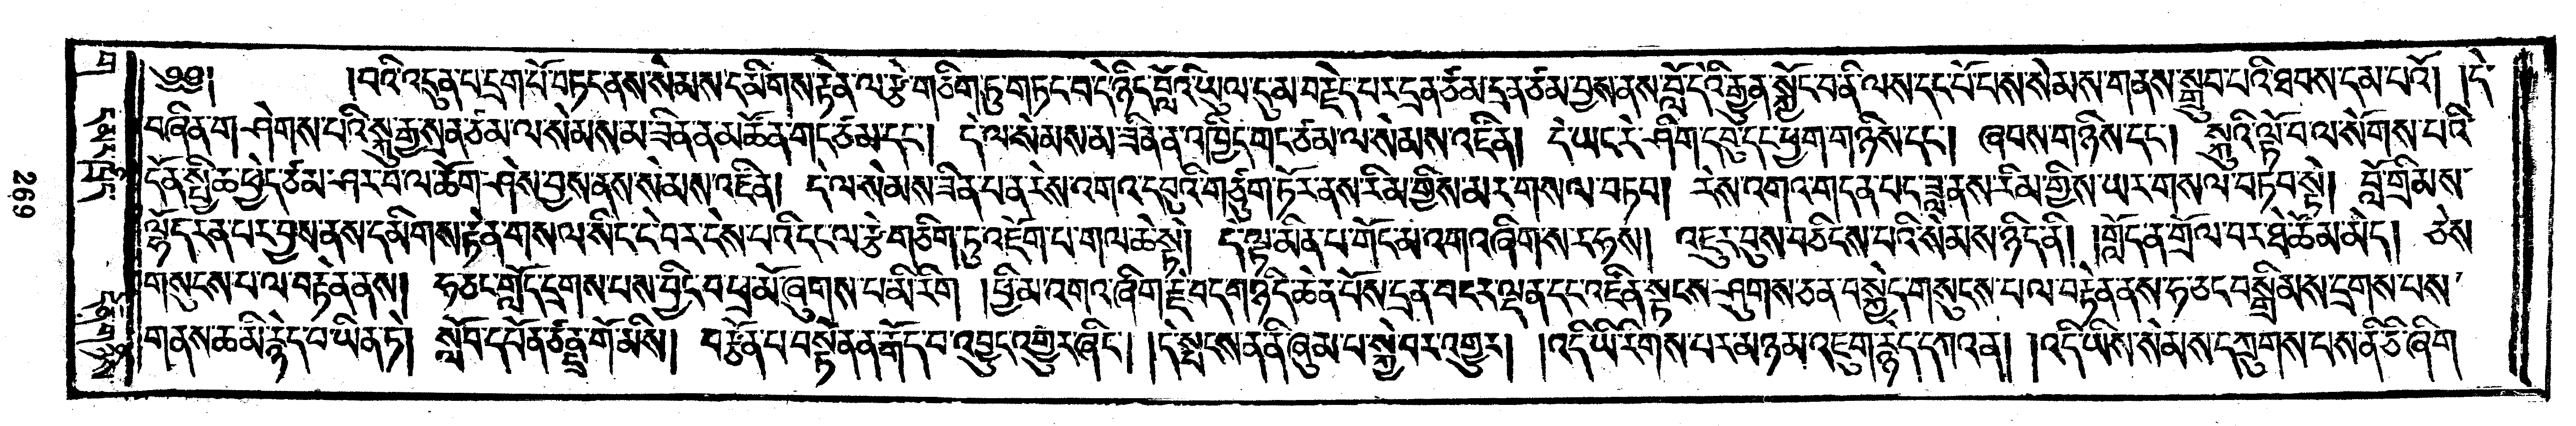༄༅། །བའི་འདུན་པ་དྲག་པོ་བཏང་ནས་སེམས་དམིགས་རྟེན་ལ་རྩེ་གཅིག་ཏུ་གཏང་བ་དེ་ཉིད་བློའི་ཡུལ་དུ་མ་བརྗེད་པར་དྲན་ཙམ་བྱས་ནས་བློ་དེའི་རྒྱུན་སྐྱོང་བ་ནི་ལས་དང་པོ་པས་སེམས་གནས་སྒྲུབ་པའི་ཐབས་དམ་པའོ། །དེ་
བཞིན་གཤེགས་པའི་སྐུ་རྒྱ་སྲན་ཙམ་ལ་སེམས་མ་ཟིན་ན་མཚོན་གང་ཙམ་དང་། དེ་ལ་སེམས་མ་ཟིན་ན་འཁྱིད་གང་ཙམ་ལ་སེམས་འཛིན། དེ་ཡང་རེ་ཤིག་དབུ་དང་ཕྱག་གཉིས་དང་། ཞབས་གཉིས་དང་། སྐུའི་ལྟོ་བ་ལ་སོགས་པའི་
དོན་སྤྱི་ཆ་ཕྱེད་ཙམ་ཤར་བ་ལ་ཆོག་ཤེས་བྱས་ནས་སེམས་འཛིན། དེ་ལ་སེམས་ཟིན་པ་ན་རེས་འགའ་དབུའི་གཙུག་ཏོར་ནས་རིམ་གྱིས་མར་གསལ་བཏབ། རེས་འགའ་གདན་པད་ཟླ་ནས་རིམ་གྱིས་ཡར་གསལ་བཏབ་སྟེ། བློ་གྲིམས་
ལྷོད་རན་པར་བྱས་ནས་དམིགས་རྟེན་གསལ་སིང་ངེ་བར་ངེས་པའི་དང་ལ་རྩེ་གཅིག་ཏུ་འཇོག་པ་གལ་ཆེ་སྟེ། དེ་ལྟ་མིན་པ་གོང་མ་འགའ་ཞིག་ས་ར་ཧས། འཇུར་བུས་བཅིངས་པའི་སེམས་ཉིད་ནི། །གློད་ན་གྲོལ་བར་ཐེ་ཚོམ་མེད། ཅེས་
གསུངས་པ་ལ་བརྟེན་ནས། ཧ་ཅང་གློད་དྲགས་པས་བྱིང་བ་ཕྲ་མོ་ཞུགས་པ་མི་རིག །ཕྱི་མ་འགའ་ཞིག་རྗེ་བདག་ཉིད་ཆེན་པོས་དྲན་བདར་ལྡན་དང་འཛིན་སྟངས་ཤུགས་ཅན་བསྐྱེད་གསུངས་པ་ལ་བརྟེན་ནས་ཧ་ཅང་བསྒྲིམས་དྲགས་པས་
གནས་ཆ་མི་རྙེད་བ་ཡིན་ཏེ། སློབ་དཔོན་ཙནྡྲ་གོ་མིས། བརྩོན་པ་བསྟེན་ན་རྒོད་བ་འབྱུང་འགྱུར་ཞིང་། །དེ་སྤངས་ན་ནི་ཞུམ་པ་སྐྱེ་བར་འགྱུར། །འདི་ཡི་རིགས་པར་མཉམ་འཇུག་རྙེད་དཀའ་ན། །འདི་ཡིས་སེམས་དཀྲུགས་པས་ནི་ཅི་ཞིག་